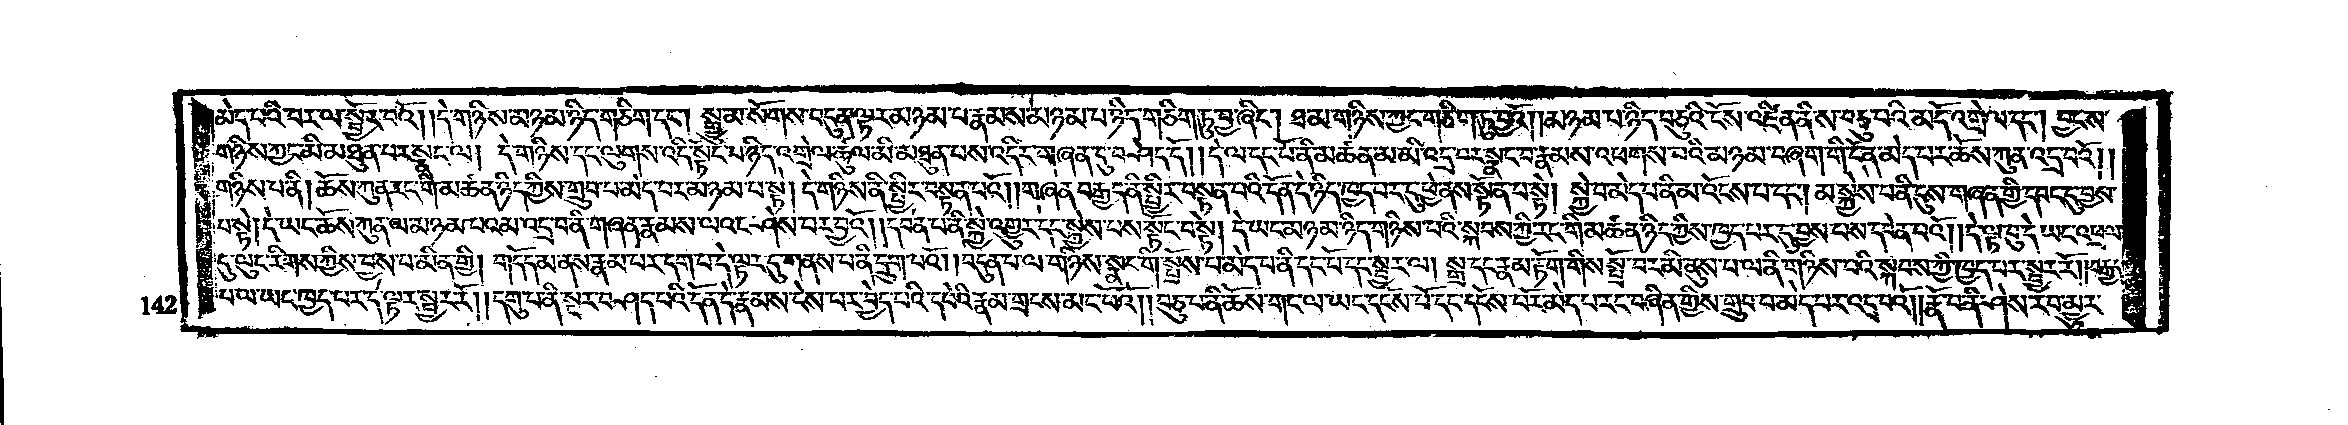མེད་པའི་བར་ལ་སྦྱོར་བའོ། །དེ་གཉིས་མཉམ་ཉིད་གཅིག་དང་། སྒྱུ་མ་སོགས་བདུན་ལྟར་མཉམ་པ་རྣམས་མཉམ་པ་ཉིད་གཅིག་ཏུ་བྱ་ཞིང་། ཐ་མ་གཉིས་ཀྱང་གཅིག་ཏུ་བྱའོ། །མཉམ་པ་ཉིད་བཅུའི་ངོས་འཛིན་ནི་ས་བཅུ་པའི་མདོ་འགྲེལ་དང་། བྱང་ས་
གཉིས་ཀྱང་མི་མཐུན་པར་སྣང་ལ། དེ་གཉིས་དང་ལུགས་འདི་སྟོང་པ་ཉིད་འགྲེལ་ཚུལ་མི་མཐུན་པས་འདིར་གཞན་དུ་བཤད་དོ། །དེ་ལ་དང་པོ་ནི་མཚན་མ་མི་འདྲ་བར་སྣང་བ་རྣམས་འཕགས་པའི་མཉམ་བཞག་གི་དོན་མེད་པར་ཆོས་ཀུན་འདྲ་བའོ། །
གཉིས་པ་ནི། ཆོས་ཀུན་རང་གི་མཚན་ཉིད་ཀྱིས་གྲུབ་པ་མེད་པར་མཉམ་པ་སྟེ། དེ་གཉིས་ནི་སྤྱིར་བསྟན་པའོ། །གཞན་བརྒྱད་ནི་སྤྱིར་བསྟན་པའི་དོན་དེ་ཉིད་ཁྱད་པར་དུ་ཕྱེ་ནས་སྟོན་པ་སྟེ། སྐྱེ་བ་མེད་པ་ནི་མ་འོངས་པ་དང་། མ་སྐྱེས་པ་ནི་དུས་གཞན་གྱི་དབང་དུ་བྱས་
པ་སྟེ། དེ་ཡང་ཆོས་ཀུན་ལ་མཉམ་པའམ་འདྲ་བ་ནི་གཞན་རྣམས་ལའང་ཤེས་པར་བྱའོ། །དབེན་པ་ནི་སྐྱེ་འགྱུར་དང་སྐྱེས་པས་སྟོང་བ་སྟེ། དེ་ཡང་མཉམ་ཉིད་གཉིས་པའི་སྐབས་ཀྱི་རང་གི་མཚན་ཉིད་ཀྱིས་ཁྱད་པར་དུ་བྱས་པས་དབེན་པའོ། །དེ་ལྟ་བུ་དེ་ཡང་འཕྲལ་
དུ་ལུང་རིགས་ཀྱིས་བྱས་པ་མིན་གྱི། གདོད་མ་ནས་རྣམ་པར་དག་པ་དེ་ལྟར་དུ་གནས་པ་ནི་དྲུག་པའོ། །བདུན་པ་ལ་གཉིས་སྣང་གི་སྤྲོས་པ་མེད་པ་ནི་དང་པོ་དང་སྦྱར་ལ། སྒྲ་དང་རྣམ་རྟོག་གིས་སྤྲོ་བར་མི་ནུས་པ་ལ་ནི་གཉིས་པའི་སྐབས་ཀྱི་ཁྱད་པར་སྦྱར་རོ། །བརྒྱད་
པ་ལ་ཡང་ཁྱད་པར་དེ་ལྟར་སྦྱར་རོ། །དགུ་པ་ནི་སྔར་བཤད་པའི་དོན་དེ་རྣམས་ངེས་པར་བྱེད་པའི་དཔེའི་རྣམ་གྲངས་མང་པོའོ། །བཅུ་པ་ནི་ཆོས་གང་ལ་ཡང་དངོས་པོ་དང་དངོས་པོར་མེད་པ་རང་བཞིན་གྱིས་གྲུབ་པ་མེད་པར་འདྲ་བའོ། །རྣོ་བ་ནི་ཤེས་རང་མྱུར་